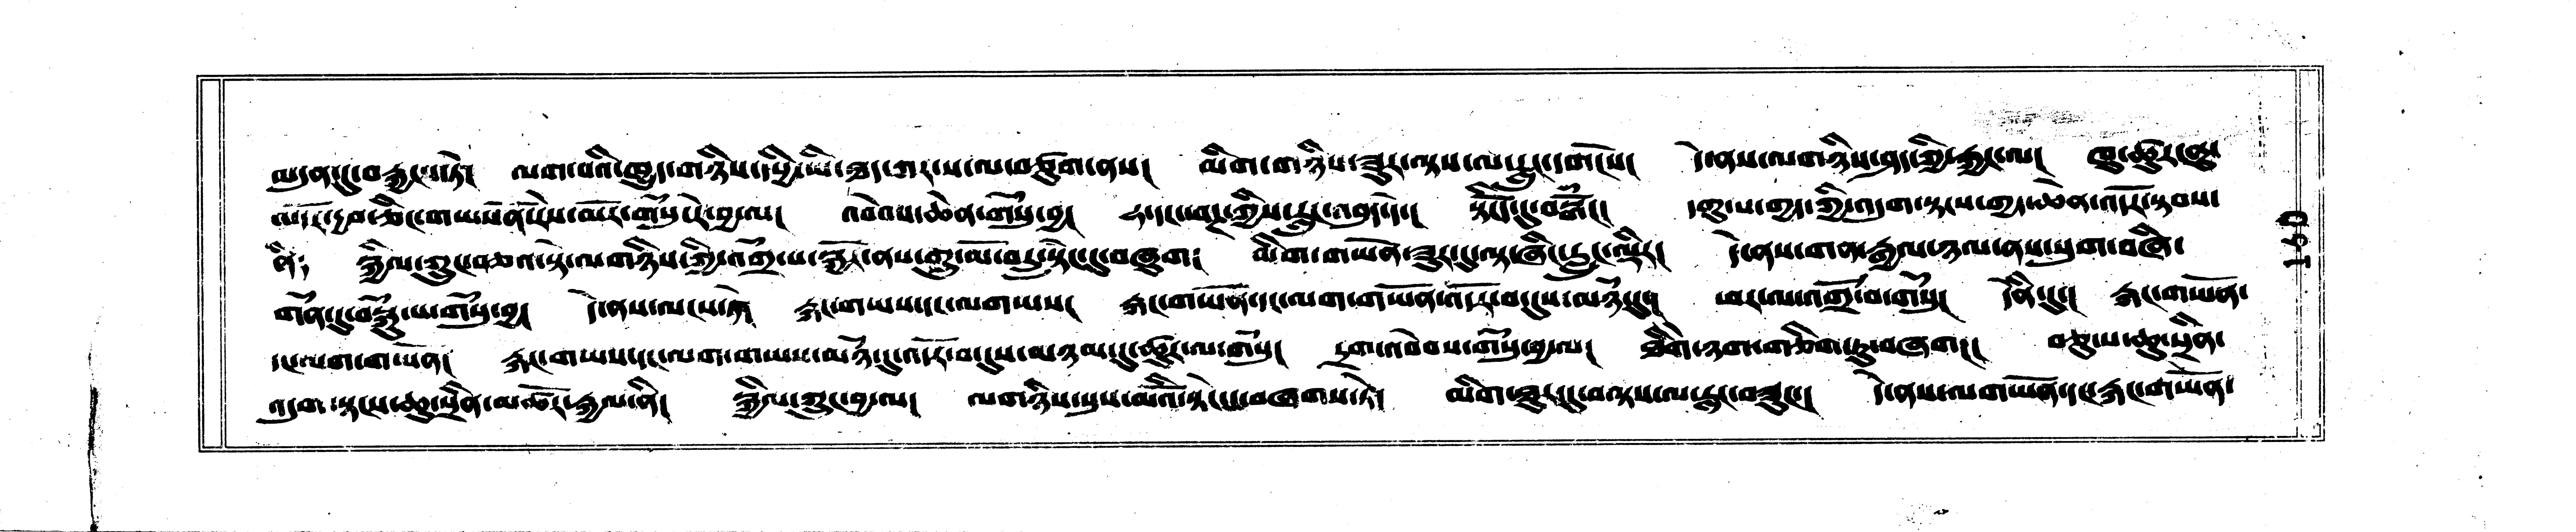མདུན་དུ་བརྐྱང་སྟེ་ལག་པའི་ཁྱུད་གཉིས་དཔྱི་ཡི་ཐད་ཀར་ས་ལ་བཙུགས་ནས། མིག་གཉིས་ཟུར་བལྟས་ལ་རླུང་དགང་། དེ་ནས་ལག་གཉིས་ཤད་ཀྱིས་བརྐྱང་ལ། ཁུ་ཚུར་ནུ་
མདོར་བརྒྱབ་ཅིང་གཡས་གཡོན་རེས་མོར་གསུམ་རེ་བྱ་ལ། འབེབས་ཆེན་གསུམ་བྱ། ཧཿ དང་ཕཊཿཀྱིས་རླུང་འབུད་དེ་སྟོང་ཉིད་དུ་བསྒོམ། །དགུ་པ་གྱད་ཀྱི་འདུག་སྟངས་གྱད་ཆེན་འདོར་སྟབས་
ནི། སྐྱིལ་དཀྲུང་བཅའ་སྟེ་ལག་གཉིས་ཀྱིས་འགྲམ་པ་སྐྱོར་ཏེ་གྲུ་མོ་བརླ་སྟེང་དུ་གཞུག མིག་གཡོན་ཟུར་དུ་བལྟ་ཞིང་རླུང་ལྡིར། དེ་ནས་གན་རྐྱལ་ཉལ་ནས་སུག་བཞི་
གནམ་སུ་བསྐུམ་པ་གསུམ་བྱ། དེ་ནས་ལངས་ཏེ། རྐང་གཡས་དང་ལག་གཡས། རྐང་གཡོན་དང་ལག་གཡོན་འདོར་བ་དུས་མཉམ་དུ། ཕར་ལ་འགྲོ་བ་གསུམ་དང་། ལག་གཡོན་རྐང་གཡས་
དང་ལག་གཡས་མཉམ་དུ་འདོར་བ་དུས་མཉམ་དུ་ཚུར་ལ་གསུམ། དྲག་འབེབས་གསུམ་བྱ་ལ། ཐིག་ལེ་ཉག་གཅིག་ཏུ་བཞག བཅུ་པ་ཆུ་སྲིན་
འདུག་སྟངས་ཆུ་སྲིན་མཚོར་བསྐྱལ་ནི། སྐྱིལ་དཀྲུང་བྱ་ལ། ལག་གཉིས་པུས་པོའི་སྟེང་དུ་བཞག་སྟེ། མིག་ཐུར་དུ་བལྟས་ཏེ་རླུང་བཟུང་། དེ་ནས་ལག་གཡོན་དང་རྐང་གཡོན་